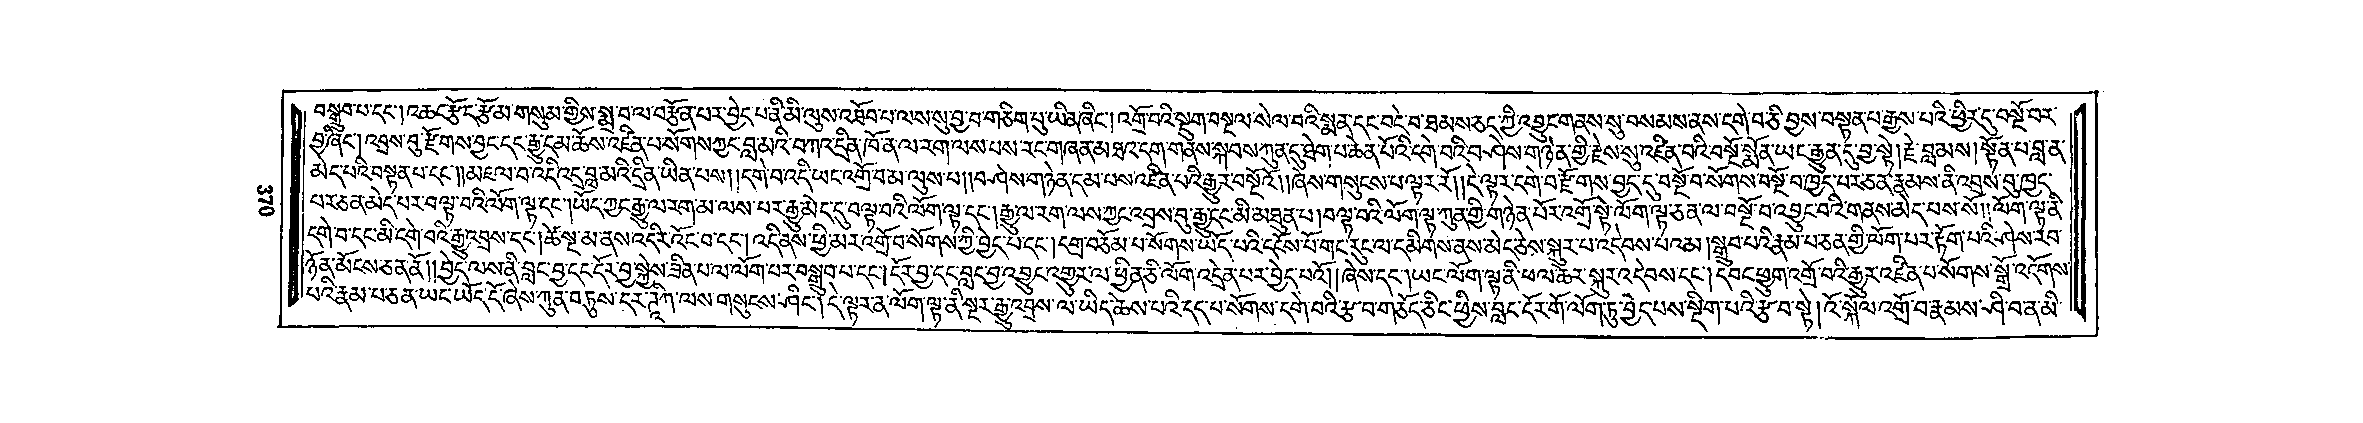བསྒྲུབ་པ་དང་། འཆང་རྩོད་རྩོམ་གསུམ་གྱིས་སྨྲ་བ་ལ་བརྩོན་པར་བྱེད་པ་ནི་མི་ལུས་འཐོབ་པ་ལས་སུ་བྱ་བ་གཅིག་པུ་ཡིན་ཞིང་། འགྲོ་བའི་སྡུག་བསྔལ་སེལ་བའི་སྨན་དང་བདེ་བ་ཐམས་ཅད་ཀྱི་འབྱུང་གནས་སུ་བསམས་ནས་དགེ་བ་ཅི་བྱས་བསྟན་པ་རྒྱས་པའི་ཕྱིར་དུ་བསྔོ་བར་
བྱ་ཞིང་། འབྲས་བུ་རྫོགས་བྱང་དང་རྒྱུ་དམ་ཆོས་འཛིན་པ་སོགས་ཀྱང་བླ་མའི་བཀའ་དྲིན་ཁོ་ན་ལ་རག་ལས་པས་རང་གཞན་མཐའ་དག་གནས་སྐབས་ཀུན་དུ་ཐེག་པ་ཆེན་པོའི་དགེ་བའི་བཤེས་གཉེན་གྱི་རྗེས་སུ་འཛིན་པའི་བསྔོ་སྨོན་ཡང་རྒྱུན་དུ་བྱ་སྟེ། རྗེ་བླ་མས། སྟོན་པ་བླ་ན་
མེད་པའི་བསྟན་པ་དང་། །མཇལ་བ་འདི་འདྲ་བླ་མའི་དྲིན་ཡིན་པས། །དགེ་བ་འདི་ཡང་འགྲོ་བ་མ་ལུས་པ། །བཤེས་གཉེན་དམ་པས་འཛིན་པའི་རྒྱུར་བསྔོའོ། །ཞེས་གསུངས་པ་ལྟར་རོ། །དེ་ལྟར་དགེ་བ་རྫོགས་བྱང་དུ་བསྔོ་བ་སོགས་བསྔོ་བ་ཁྱད་པར་ཅན་རྣམས་ནི་འབྲས་བུ་ཁྱད་
པར་ཅན་མེད་པར་བལྟ་བའི་ལོག་ལྟ་དང་། ཡོད་ཀྱང་རྒྱུ་ལ་རག་མ་ལས་པར་རྒྱུ་མེད་དུ་བལྟ་བའི་ལོག་ལྟ་དང་། རྒྱུ་ལ་རག་ལས་ཀྱང་འབྲས་བུ་རྒྱུ་དང་མི་མཐུན་པ། བལྟ་བའི་ལོག་ལྟ་ཀུན་གྱི་གཉེན་པོར་འགྲོ་སྟེ་ལོག་ལྟ་ཅན་ལ་བསྔོ་བ་འབྱུང་བའི་གནས་མེད་པས་སོ། །ལོག་ལྟ་ནི་
དགེ་བ་དང་མི་དགེ་བའི་རྒྱུ་འབྲས་དང་། ཚེ་སྔ་མ་ནས་འདིར་འོང་བ་དང་། འདི་ནས་ཕྱི་མར་འགྲོ་བ་སོགས་ཀྱི་བྱེད་པ་དང་། དགྲ་བཅོམ་པ་སོགས་ཡོད་པའི་དངོས་པོ་གང་རུང་ལ་དམིགས་ནས་མེད་ཅེས་སྐུར་པ་འདེབས་པའམ། སྒྲུབ་པའི་རྣམ་པ་ཅན་གྱི་ལོག་པར་རྟོག་པའི་ཤེས་རབ་
ཉོན་མོངས་ཅན་ནོ། །བྱེད་ལས་ནི་བླང་བྱ་དང་དོར་བྱ་སྐྱེས་ཟིན་པ་ལ་ལོག་པར་བསྒྲུབ་པ་དང་། དོར་བྱ་དང་བླང་བྱ་འབྱུང་འགྱུར་ལ་ཕྱིན་ཅི་ལོག་འདྲེན་པར་བྱེད་པའོ། །ཞེས་དང་། ཡང་ལོག་ལྟ་ནི་ཕལ་ཆེར་སྐུར་འདེབས་དང་། དབང་ཕྱུག་འགྲོ་བའི་རྒྱུར་འཛིན་པ་སོགས་སྒྲོ་འདོགས་
པའི་རྣམ་པ་ཅན་ཡང་ཡོད་དོ་ཞེས་ཀུན་བཏུས་དར་ཊཱིཀ་ལས་གསུངས་ཤིང་། དེ་ལྟར་ན་ལོག་ལྟ་ནི་སྔར་རྒྱུ་འབྲས་ལ་ཡིད་ཆེས་པའི་དད་པ་སོགས་དགེ་བའི་རྩ་བ་གཅོད་ཅིང་ཕྱིས་བླང་དོར་གོ་ལོག་ཏུ་བྱེད་པས་སྡིག་པའི་རྩ་བ་སྟེ། འོ་སྐོལ་འགྲོ་བ་རྣམས་ཤི་བ་ན་མི་